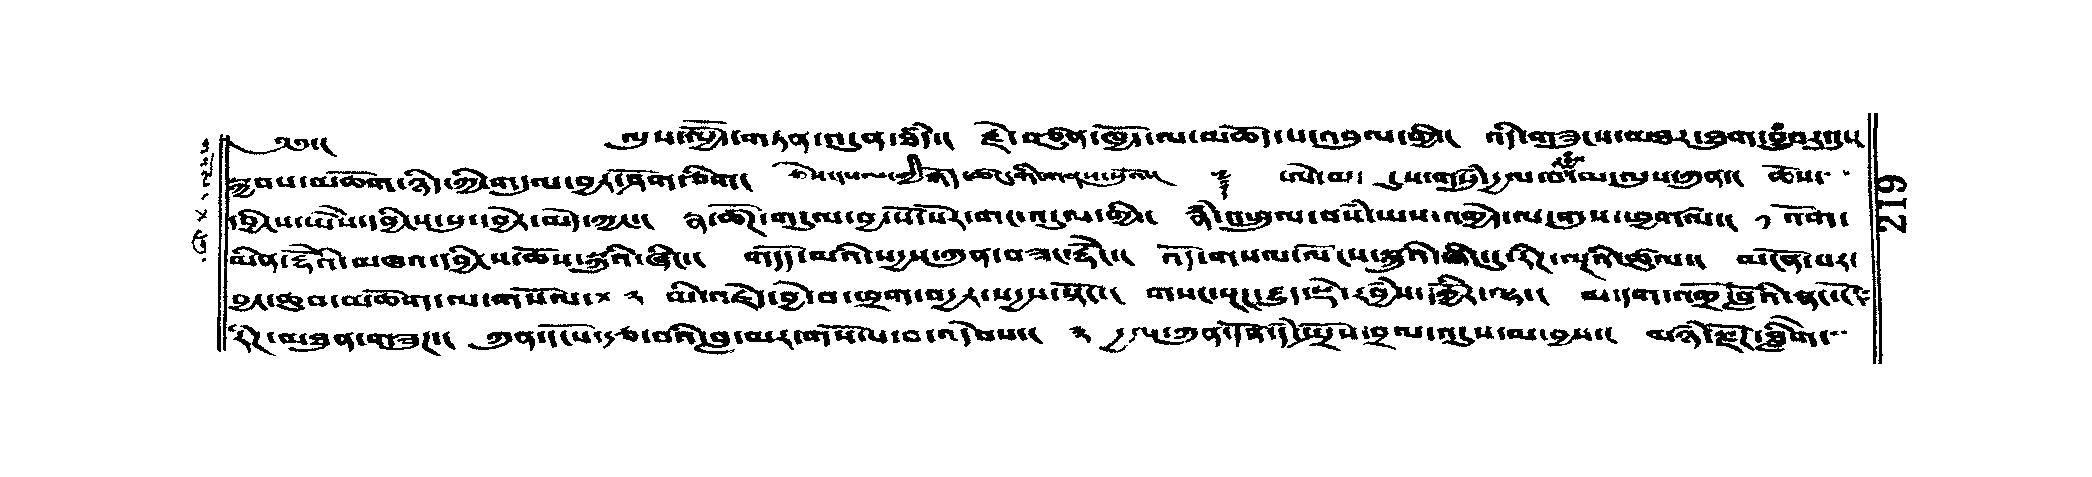ལུས་ལོངས་སྤྱོད་གཏན་འདུན་ཐམས་ཅད། །རྗེ་བཙུན་ཁྱོད་ལ་མཆོད་པ་འབུལ་གྱི། །འདི་བཟུང་མཐར་ཐུག་བྱང་ཆུབ་བར་དུ། །
སྐྱབས་མཆོག་ཉིད་ཀྱི་གདུལ་བྱར་ཤོག་ཅིག ཅེས་དཔལ་གྱི་རྒོད་ཚང་གི་གནས་སུའོ།། ༈ ཨེ་མ། དུས་གསུམ་རྒྱལ་བ་རབ་འབྱམས་མ་ལུས་ཀུན། །ཆོས་
དབྱིངས་ཡེ་ཤེས་དབྱིངས་སུ་དབྱེར་མེད་ཀྱང་། །སྣ་ཚོགས་གདུལ་བྱ་སོ་སོར་གང་འདུལ་གྱི། །རྣམ་འཕྲུལ་བསམ་ཡས་འགྱེད་ལ་གུས་ཕྱག་འཚལ། ༡ །འོག་
མིན་རྡོ་རྗེའི་མཁའ་དབྱིངས་ཆོས་སྐུའི་ཞིང་། །གདོད་མའི་སངས་རྒྱས་ཀུན་བཟང་རྡོ་རྗེ་འཆང་། །འོད་གསལ་ལོངས་སྐུའི་ཞིང་དུ་རིགས་ལྔའི་ཚུལ། །མངོན་པར་
བྱང་ཆུབ་མཆོག་ལ་གསོལ༴ ༢ །མི་འཇེད་བྱེ་བ་ཕྲག་བརྒྱར་སངས་རྒྱས་སྟོང་། །གསང་སྔགས་རྒྱུད་སྡེ་རབ་འབྱམས་དཀྱིལ་འཁོར་ལྷ། །མ་དག་འགྲོ་བློའི་སྣང་ངོ་
རིགས་མཐུན་གཟུགས། །ཀུན་དངོས་རྩ་བའི་བླ་མར་གསོལ་བ་འདེབས། ༣ །རྒྱལ་ཀུན་དོན་དམ་སྤྲོས་བྲལ་འདུས་མ་བྱས། །མཉམ་རྫོགས་ཐིག་ལེ་